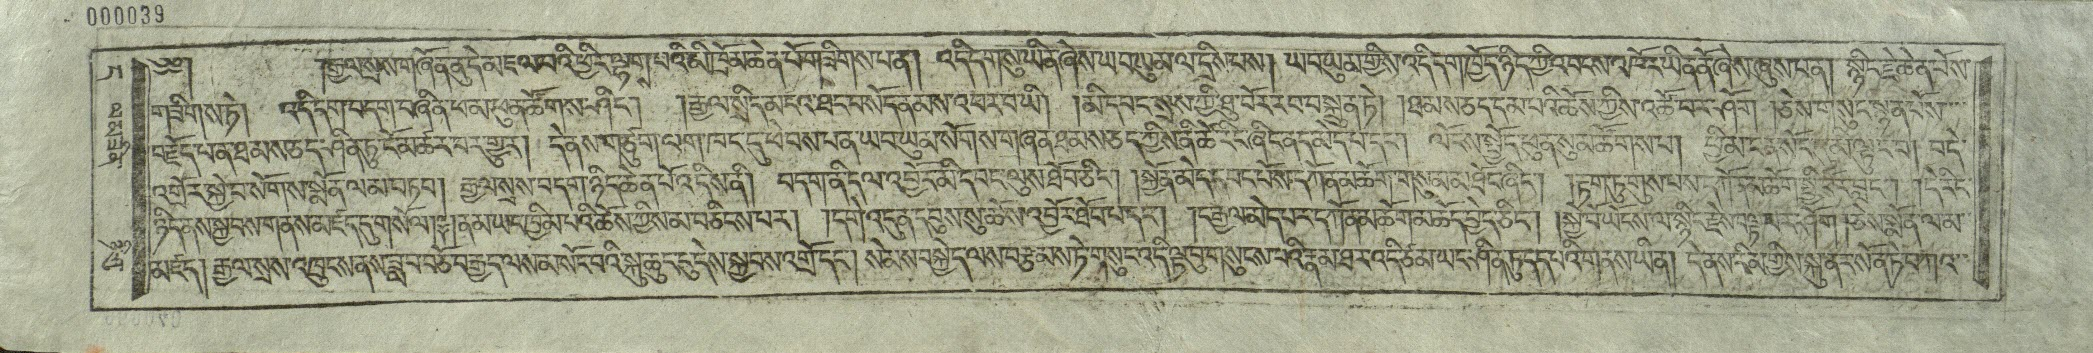༄༅། །རྒྱལ་སྲས་གཞོན་ནུ་དེ་མཇལ་བའི་ཕྱིར་ལྷགས་པའི་མི་ཁྲོམ་ཆེན་པོ་གཟིགས་པ་ན། འདི་དག་སུ་ཡིན་ཞེས་ཡབ་ཡུམ་ལ་དྲིས་པས། ཡབ་ཡུམ་གྱིས་འདི་དག་ཁྱོད་ཉིད་ཀྱི་འབངས་འཁོར་ཡིན་ནོ་ཞེས་ཞུས་པ་ན། སྙིང་རྗེ་ཆེན་པོས་
གཟིགས་ཏེ། འདི་དག་བདག་བཞིན་ཕ་མ་ཕུན་ཚོགས་ཤིང་། །རྒྱལ་སྲིད་མངའ་ཐང་བསོད་ནམས་འབར་བ་ཡི། །མི་དབང་སྲས་ཀྱི་ཐུ་བོར་རབ་བསྐྲུན་ཏེ། །ཐམས་ཅད་དམ་པའི་ཆོས་ཀྱིས་འཚོ་བར་ཤོག །ཅེས་གསུང་སྙན་པོས་
བརྗོད་པ་ན་ཐམས་ཅད་ཤིན་ཏུ་ངོ་མཚར་བར་གྱུར། དེ་ནས་གཙུག་ལག་ཁང་དུ་ཕེབས་པ་ན་ཡབ་ཡུམ་སོགས་གཞན་ཐམས་ཅད་ཀྱིས་ནི་ཚེ་རིང་ཞིང་ནད་མེད་པ་དང་། ལོངས་སྤྱོད་ཕུན་སུམ་ཚོགས་པ། ཕྱི་མ་ངན་སོང་དུ་མི་ལྟུང་བ། བདེ་
འགྲོར་སྐྱེ་བ་སོགས་སྨོན་ལམ་བཏབ། རྒྱལ་སྲས་བདག་ཉིད་ཆེན་པོ་འདིས་ནི། བདག་ནི་དལ་འབྱོར་མི་དབང་ལུས་ཐོབ་ཅིང་། །སྐྱོན་མེད་དབང་པོས་དཀོན་མཆོག་གསུམ་མཐོང་ཞིང་། །རྟག་ཏུ་གུས་པས་དཀོན་མཆོག་སྤྱི་བོར་བླང་། །དེ་རིང་
ཉིད་ནས་སྐྱབས་གནས་མཛད་དུ་གསོལ། ༈ །ནམ་ཡང་ཁྱིམ་པའི་ཆོས་ཀྱིས་མ་བཅིངས་པར། །དགེ་འདུན་དབུས་སུ་ཆོས་འབྱོར་ཐོབ་པ་དང་། །ང་རྒྱལ་མེད་པར་དཀོན་མཆོག་མཆོད་བྱེད་ཅིང་། །སྐྱེ་བོ་ཡོངས་ལ་སྙིང་རྗེས་བལྟ་བར་ཤོག །ཅེས་སྨོན་ལམ་
མཛད། རྒྱལ་སྲས་འཁྲུངས་ནས་ཟླ་བ་བཅོ་བརྒྱད་ལས་མ་སོང་བའི་སྐུ་ཆུང་ངུ་དེས་སྐྱབས་འགྲོ་དང་། སེམས་བསྐྱེད་ལས་བརྩམས་ཏེ་གསུངས་འདི་ལྟ་བུ་གསུངས་པའི་རྣམ་ཐར་འདི་ཙམ་ཡང་ཤིན་ཏུ་དད་པའི་གནས་ཡིན། དེ་ནས་རིམ་གྱིས་སྐུ་ནར་སོན་ཏེ་བཀའ་